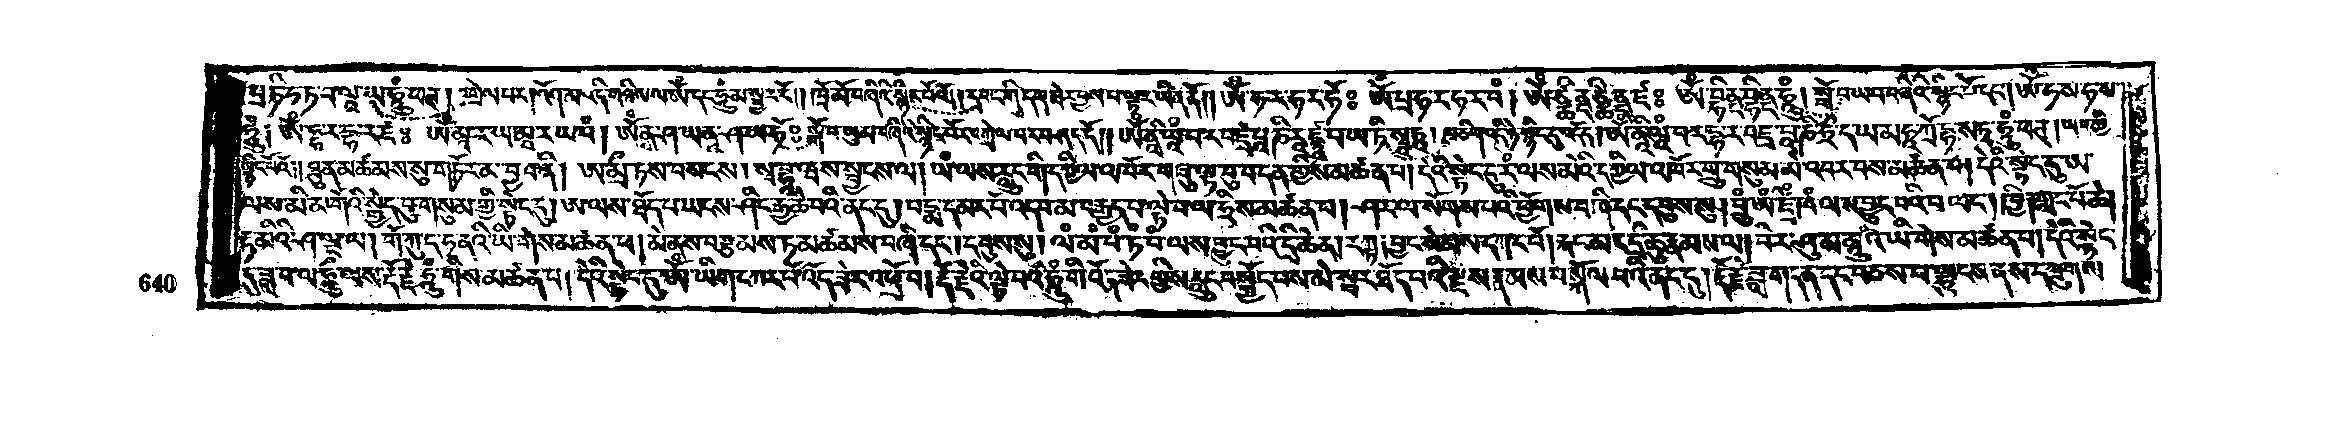པྲ་ཏི་ཧ་ཏ་ལཱ་ཡ་ཧཱུཾ་ཕཊ། འགྲེལ་པར། འོག་མ་འདི་གཉིས་ལ་ཨོཾ་དང་ཧཱུཾ་མ་སྦྱར་རོ། །ཁྲོ་མོ་བཞིའི་སྙིང་པོའོ། །དབང་གི་དག་ཐེར་བྱས་པ་ལྟར་ཡིན་ནོ། །ཨོཾ་ཧ་ར་ཧ་ར་གོཿ ཨོཾ་པྲ་ཧ་ར་ཧ་བཾ། ཨོཾ་ཙྪིནྡ་ཙྪིནྡ་ཛཿ ཨོཾ་བྷིནད་བྷིནད་ཧཱུཾ། སྒོ་བ་ཡབ་བཞིའི་སྙིན་གྤོ་དང་། ཨོཾ་ཧ་ས་ཧ་ས་
ཧཱུཾ། ཨོཾ་དྷ་ར་དྷ་ར་ཛཿ ཨོཾ་ནཱ་ར་ཡ་མཱ་ར་ཡ་བཾ། ཨོཾ་ནཱ་ཤ་ཡ་ནཱ་ཤ་ཡ་ཧོཿ སྒོ་བ་ཡུམ་བཞིའི་སྙིང་པོར་འགྲེལ་བར་བཤད་དོ། །ཨོཾ་ནཱི་ལཱཾ་པ་ར་བཛྲ་པཱ་ཎི་རཱ་ཛྙཱ་བ་ཡ་ཏི་སྭཱཏཱ། ཁ་ཅིག་འདི་ཉེ་སྙིང་དུ་འདོད། །ཨོཾ་ནཱི་ལཱཾ་བར་དྷ་ར་བཛྲ་པཱ་ཎི་ཧྲྀ་ད་ཡ་མཧཱ་ཀྲོ་དྷ་སཏྭ་ཧཱུཾ་ཕཊ། ཡབ་ཀྱི་
སྙིང་པོའོ། །ཐུན་མཚམས་སུ་གཏོར་མ་བྱ་བ་ནི། ཨ་མྲྀ་ཏས་བསངས། སྭ་བྷཱ་ཝས་སྦྱངས་ལ་ཡཾ་ལས་རླུང་གི་དཀྱིལ་འཁོར་གཞུ་ལྟ་བུ་བ་དན་གྱིས་མཚན་པ། དེའི་སྟེང་དུ་རཾ་ལས་མེའི་དཀྱིལ་འཁོར་གྲུ་གསུམ་མེ་འབར་བས་མཚན་པ། དེའི་སྟེང་དུ་ཨ་
ལས་མི་མགོའི་སྐྱེད་བུ་གསུམ་གྱི་སྟེང་དུ། ཨ་ལས་ཐོ་པ་ཡངས་ཤིང་རྒྱ་ཆེ་བའི་ནང་དུ། པདམ་དམར་པོ་འདབ་མ་བརྒྱད་པ་ལྟེ་བ་ལ་ཧྲིས་མཚན་པ། ཤར་ལ་སོགས་པའི་ཕྱོགས་བཞི་དང་དབུས་སུ། བྲུཾ་ཨཾ་ཛྲིཾ་ཁཾ་ལས་བྱུང་བའི་བ་ལང་། ཁྱི། གླང་པོ་ཆེ།
རྟ་མིའི་ཤ་ལྔ་ལ། གོ་ཀུ་ད་ཧ་ནའི་ཡི་གེས་མཚན་ཕ། མེ་ནས་བརྩམས་ཏ་མཚམས་བཞི་དང་། དབུས་སུ་ལཾ་མཾ་པཾ་ཏཾ་པཾ་ལས་བྱུང་བའི་དྲི་ཆེན། རཀྟ། བྱང་སེམས་དཀར་པོ། རྐང་མང་དྲི་ཆུ་རྣམས་ལ། བིར་ཤུ་མ་ནཱུའི་ཡེ་གེས་མཚན་པ། དེའི་སྙིང་
དུ་ཟླ་བ་ལ་ཧཱུཾ་ལས་རྡོ་རྗེ་ཧཱུཾ་གིས་མཚན་པ། དེའི་སྟེང་དུ་ཨོཾ་ཡིག་དཀར་པོ་འོད་ཟེར་འཕྲོ་བ། རྡོ་རྗེའི་ལྟེ་བའི་ཧཱུཾ་གི་འོད་ཟེར་གྱིས་རླུང་བསྐྱོད་བས་མེ་སྦར་ཐོད་པའི་རྫས་རྣམས་བསྐོལ་བའི་ནང་དུ། རྡོ་རྗེ་ཟླ་གདན་དང་བཅས་པ་ལྷུངས་ནས་དཀྲུགས་